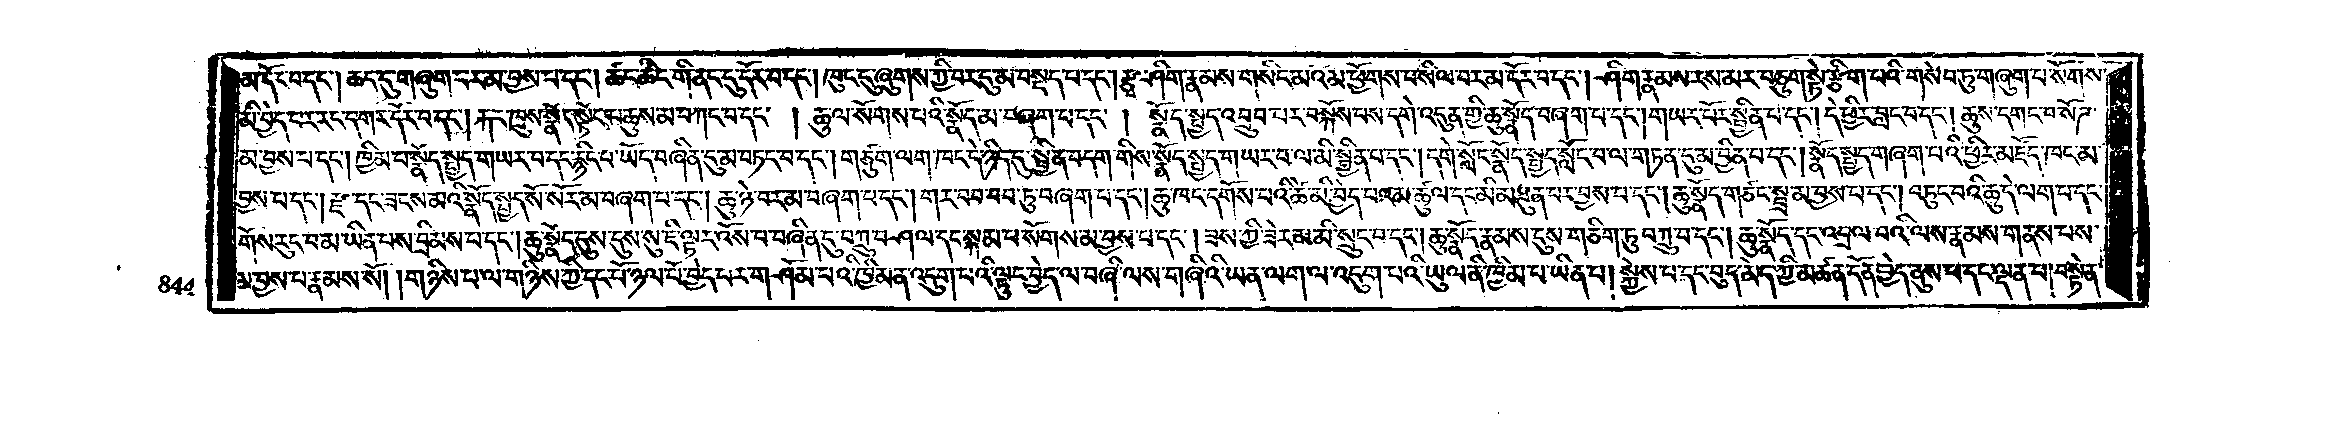མ་དོང་བ་དང་། ཆད་དུ་གཞུག་པར་མ་བྱས་པ་དང་། ཚང་ཚིང་གི་ནང་དུ་དོར་བ་དང་། ཁུང་དུ་ཞུགས་ཀྱི་བར་དུ་མ་བསྡད་པ་དང་། རྩྭ་ཤིག་རྣམས་གསིང་མའམ་ཕྱོགས་བསིལ་བར་མ་དོར་བ་དང་། ཤིག་རྣམས་རས་མར་བཅུག་སྟེ་རྩིག་པའི་གསེབ་ཏུ་གཞུག་པ་སོགས་
མི་བྱེད་པར་རང་དགར་དོར་བ་དང་། རྐང་ཁྲུས་སྣོད་སྟོང་པ་ཆུས་མ་བཀང་བ་དང་། ཆུ་ལ་སོགས་པའི་སྣོད་མ་བཞག་པ་དང་། སྣོད་སྤྱད་འབྲུབ་པར་བསྐོས་པས་དགེ་འདུན་གྱི་ཆུ་སྣོད་བཞག་པ་དང་། གཡར་པོར་སྦྱིན་པ་དང་། དེ་ཕྱིར་བླང་བ་དང་། ཆུས་དགང་བ་སོགས་
མ་བྱས་པ་དང་། ཁྱིམ་པ་སྣོད་སྤྱད་གཡར་བ་དང་རྙིང་པ་ཡོད་བཞིན་དུ་མ་བཏང་བ་དང་། གཙུག་ལག་ཁང་དེ་ཉིད་དུ་སྦྱིན་བདག་གིས་སྣོད་སྤྱད་གཡར་བ་ལ་མི་སྦྱིན་པ་དང་། དགེ་སློང་སྣོད་སྤྱད་སློང་བ་ལ་གཏན་དུ་མ་བྱིན་པ་དང་། སྣོད་སྤྱད་གཞག་པའི་ཕྱིར་མཛོད་ཁང་མ་
བྱས་པ་དང་། རྫ་དང་ཟངས་མའི་སྣོད་སྤྱད་སོ་སོར་མ་བཞག་པ་དང་། ཆུ་ཉེ་བར་མ་བཞག་པ་དང་། གར་བབ་བབ་ཏུ་བཞག་པ་དང་། ཆུ་ཁང་དགོས་པའི་ཚེ་མི་བྱེད་པའམ་ཚུལ་དང་མི་མཐུན་པར་བྱས་པ་དང་། ཆུ་སྣོད་གཙང་སྦྲ་མ་བྱས་པ་དང་། བཏུང་བའི་ཆུ་དེ་ལག་པ་དང་
གོས་རུང་བ་མ་ཡིན་པས་བྲིམས་པ་དང་། ཆུ་སྣོད་དུས་དུས་སུ་ཇི་ལྟར་འོས་པ་བཞིན་དུ་བཀྲུ་བཤལ་དང་སྐམ་པ་སོགས་མ་བྱས་པ་དང་། ཟས་ཀྱི་ཟེར་མ་མི་སྲུང་བ་དང་། ཆུ་སྣོད་རྣམས་དུས་གཅིག་ཏུ་བཀྲུ་བ་དང་། ཆུ་སྣོད་དང་འབྲལ་བའི་ལས་རྣམས་གནས་པས་
མ་བྱས་པ་རྣམས་སོ། །གཉིས་པ་ལ་གཉིས་ཀྱི་དང་པོ་ཉལ་པོ་བྱེད་པར་གཤོམ་པའི་ཁྱིམ་ན་འདུག་པའི་ལྟུང་བྱེད་ལ་བཞི་ལས་གཞིའི་ཡན་ལག་ལ་འདུག་པའི་ཡུལ་ནི་ཁྱིམ་པ་ཡིན་པ། སྐྱེས་པ་དང་བུད་མེད་ཀྱི་མཚན་དོན་བྱེད་ནུས་ཕ་དང་ལྡན་པ། བསྟེན་